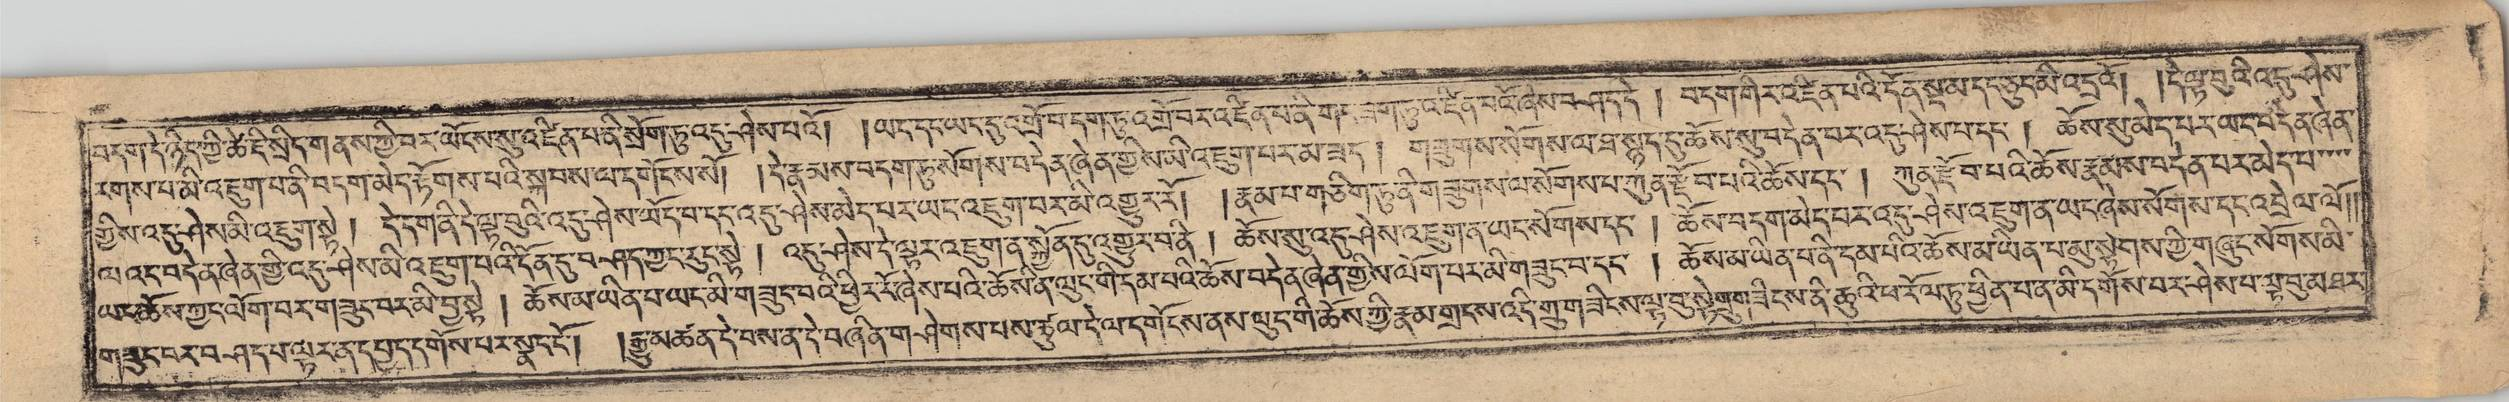བདག་དེ་ཉིད་ཀྱི་ཚེ་ཇི་སྲིད་གནས་ཀྱི་བར་ཡོངས་སུ་འཛིན་པ་ནི་སྲོག་ཏུ་འདུ་ཤེས་པའོ། །ཡང་དང་ཡང་དུ་འགྲོ་བ་དག་ཏུ་འགྲོ་བར་འཛིན་པ་ནི་གང་ཟག་ཏུ་འཛིན་པའོ་ཞེས་བཤད་དེ། བདག་གིར་འཛིན་པའི་དོན་སྔ་མ་དང་ཅུང་མི་འདྲའོ། །དེ་ལྟ་བུའི་འདུ་ཤེས་
རགས་པ་མི་འཇུག་པ་ནི་བདག་མེད་རྟོགས་པའི་སྐབས་ལ་དགོངས་སོ། །དེ་རྣམས་བདག་ཏུ་སོགས་བདེན་ཞེན་གྱིས་མི་འཇུག་པར་མ་ཟད། གཟུགས་སོགས་ལ་ཐ་སྙད་དུ་ཆོས་སུ་བདེན་པར་འདུ་ཤེས་པ་དང་། ཆོས་སུ་མེད་པར་ཡང་བདེན་ཞེན་
གྱིས་འདུ་ཤེས་མི་འཇུག་སྟེ། དེ་དག་ནི་དེ་ལྟ་བུའི་འདུ་ཤེས་ཡོད་པ་དང་འདུ་ཤེས་མེད་པར་ཡང་འཇུག་པར་མི་འགྱུར་རོ། །རྣམ་པ་གཅིག་ཏུ་ནི་གཟུགས་ལ་སོགས་པ་ཀུན་རྫོབ་པའི་ཆོས་དང་། ཀུན་རྫོབ་པའི་ཆོས་རྣམས་བདེན་པར་མེད་པ་
ལའང་བདེན་ཞེན་གྱི་འདུ་ཤེས་མི་འཇུག་པའི་དོན་དུ་བཤད་ཀྱང་རུང་སྟེ། འདུ་ཤེས་དེ་ལྟར་འཇུག་ན་སྐྱོན་དུ་འགྱུར་བ་ནི། ཆོས་སུ་འདུ་ཤེས་འཇུག་ན་ཡང་སོགས་དང་། ཆོས་བདག་མེད་པར་འདུ་ཤེས་འཇུག་ན་ཡང་ཞེས་སོགས་དང་འབྲེལ་ལོ། །
ཡང་ཆོས་ཀྱང་ལོག་པར་གཟུང་བར་མི་བྱ་སྟེ། ཆོས་མ་ཡིན་པ་ཡང་མི་གཟུང་བའི་ཕྱིར་རོ་ཞེས་པའི་ཆོས་ནི་ལུང་གི་དམ་པའི་ཆོས་བདེན་ཞེན་གྱིས་ལོག་པར་མི་གཟུང་བ་དང་། ཆོས་མ་ཡིན་པ་ནི་དམ་པའི་ཆོས་མ་ཡིན་པ་མུ་སྟེགས་ཀྱི་གཞུང་སོགས་མི་
གཟུང་བར་བཤད་པ་ལྟར་ན་དཔྱད་དགོས་པར་སྣང་ངོ། །རྒྱུ་མཚན་དེ་བས་ན་དེ་བཞིན་གཤེགས་པས་ཚུལ་དེ་ལ་དགོངས་ནས་ལུང་གི་ཆོས་ཀྱི་རྣམ་གྲངས་འདི་གྲུ་གཟིངས་ལྟ་བུ་སྟེ་གྲུ་གཟིང་ནི་ཆུའི་ཕ་རོལ་ཏུ་ཕྱིན་པ་ན་མི་དགོས་པར་ཤེས་པ་ལྟ་བུ་མཐར་